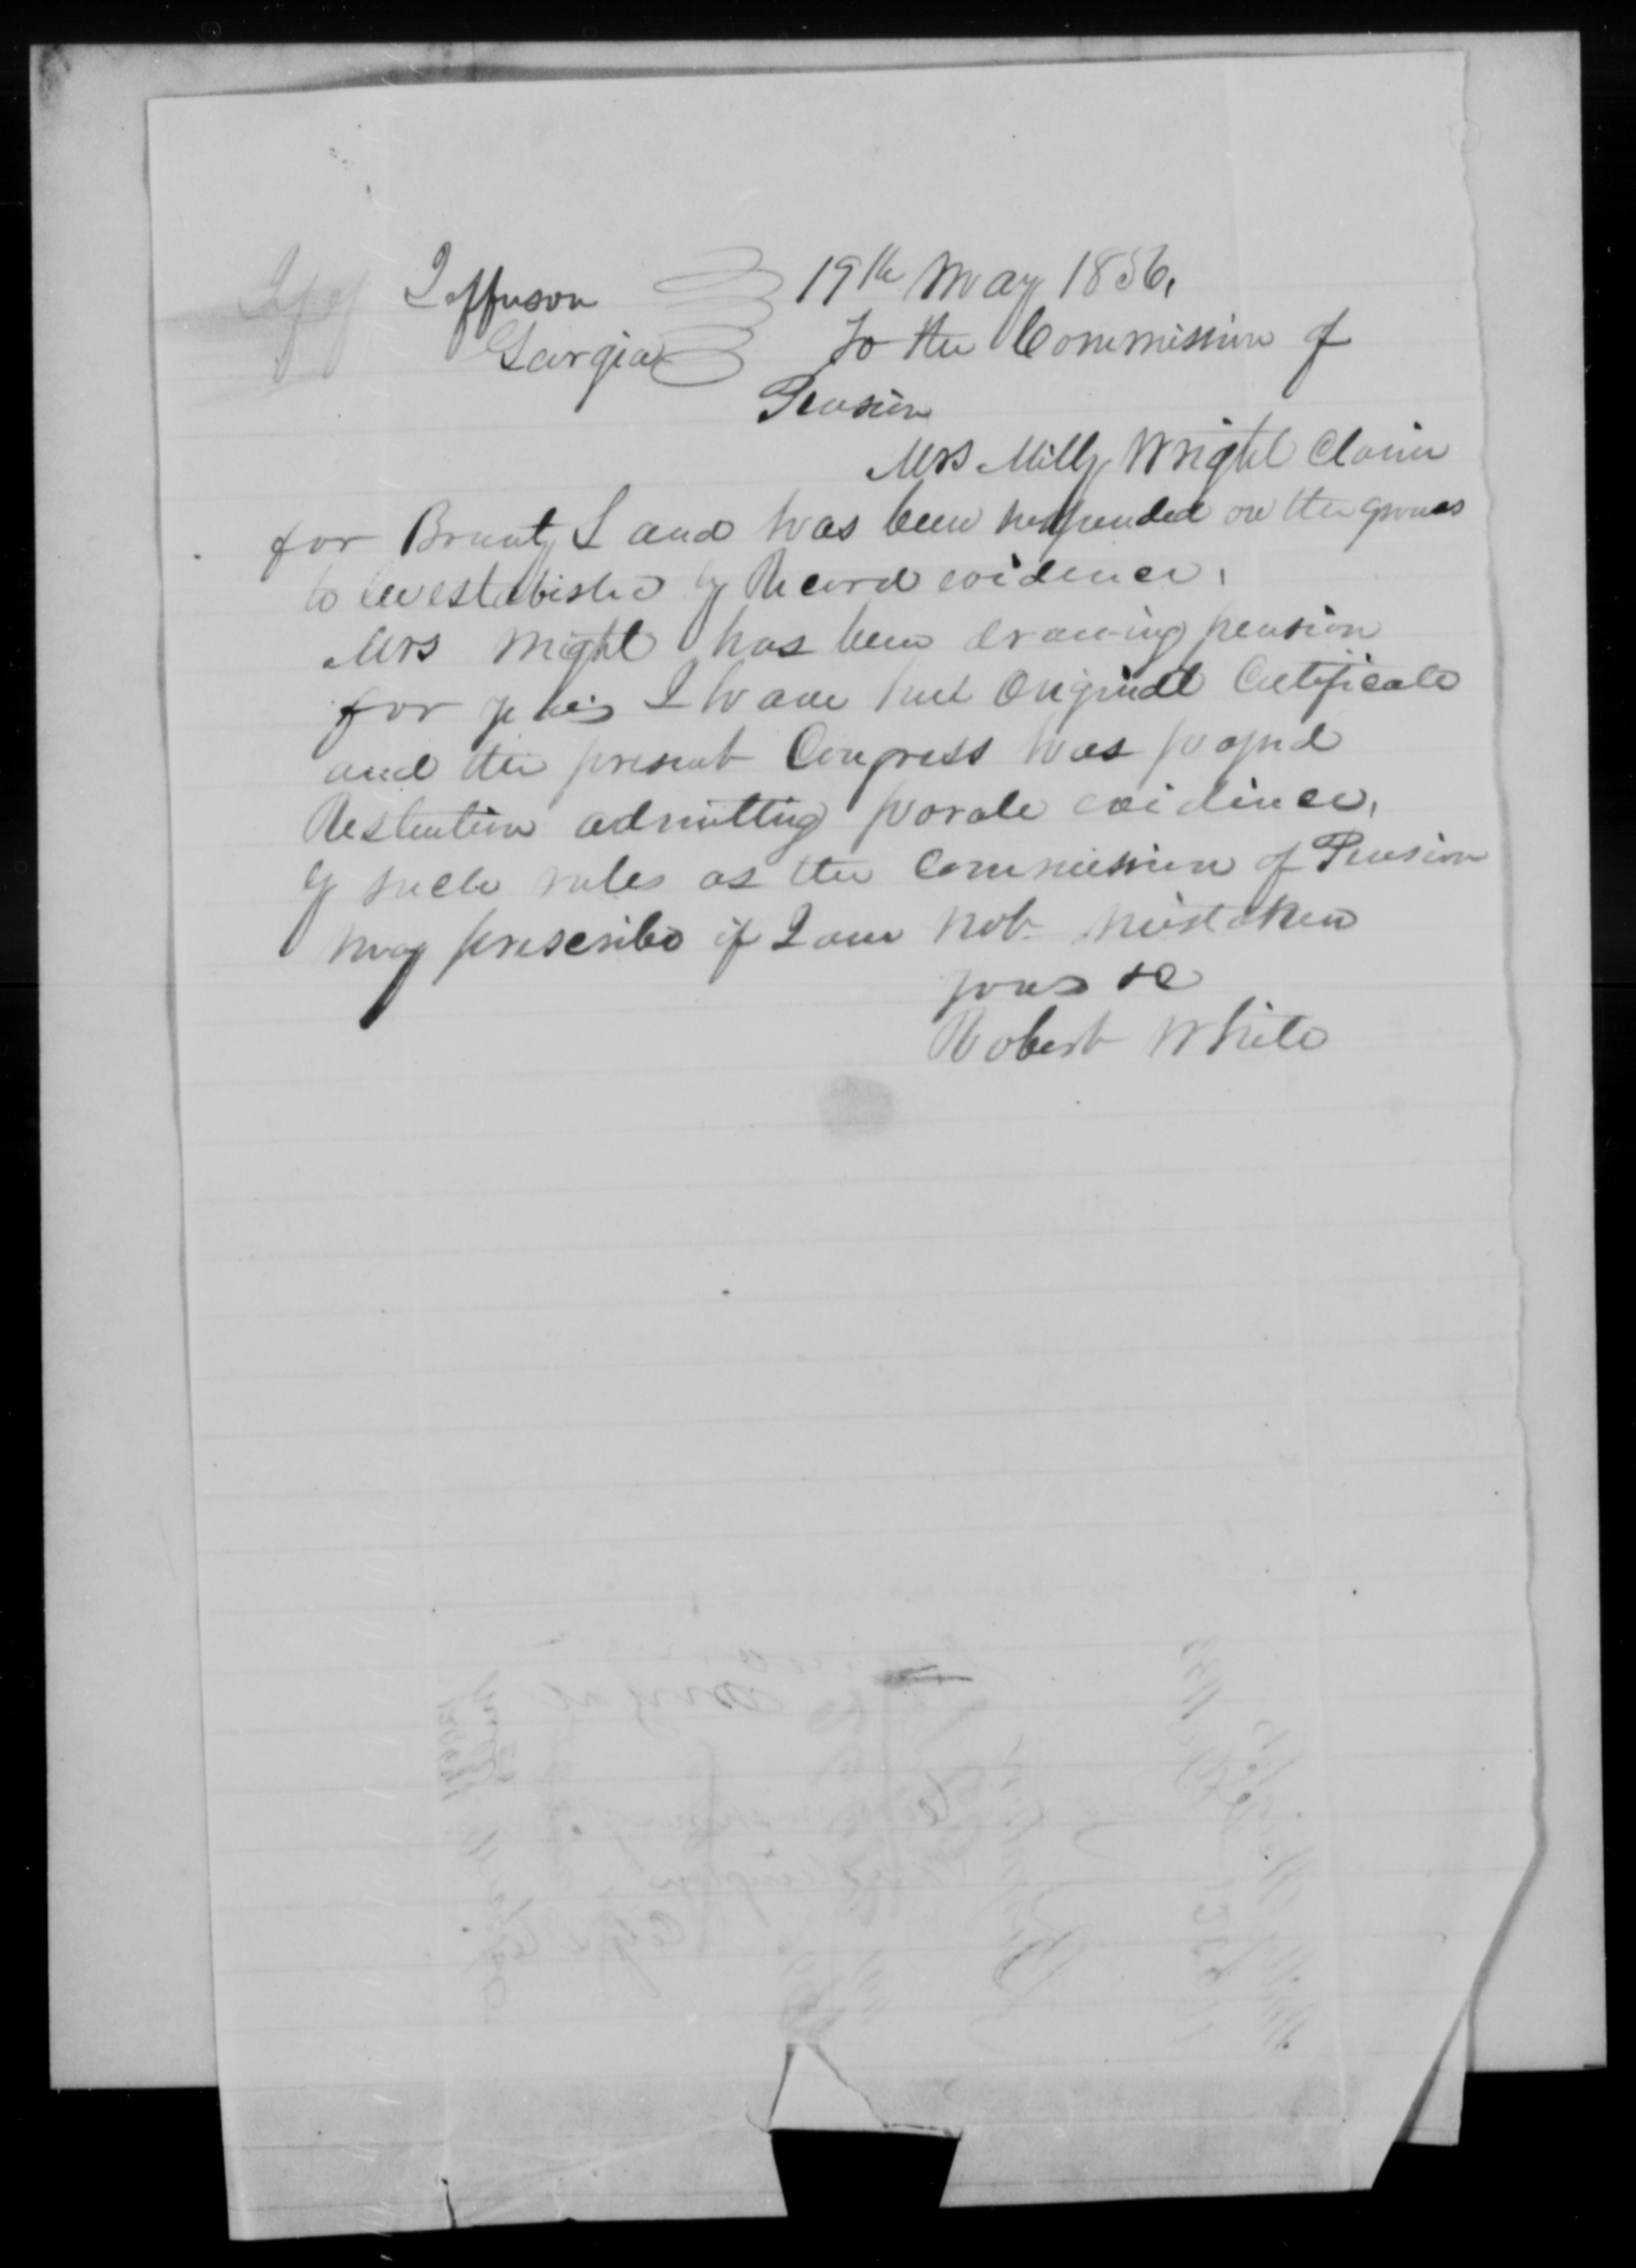Jefferson 19th May 1856.
Georgia To the Commission of
Pensions
Mrs Milly Wright claim
for Bounty Land has been depended on the grounds
to established by record evidence:
Mrs Wright has been drawing pension
for years I have had original certificate
and the present Congress sas passed
Resolution admitting parole evidence,
by such rules as the commission of Pension
may prescribe if I am not mistaken
Yours &c
Robert White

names: Milly Wright, Robert White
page: 50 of 81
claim: widow's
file: W. 5183, Bolling Wright, Va.